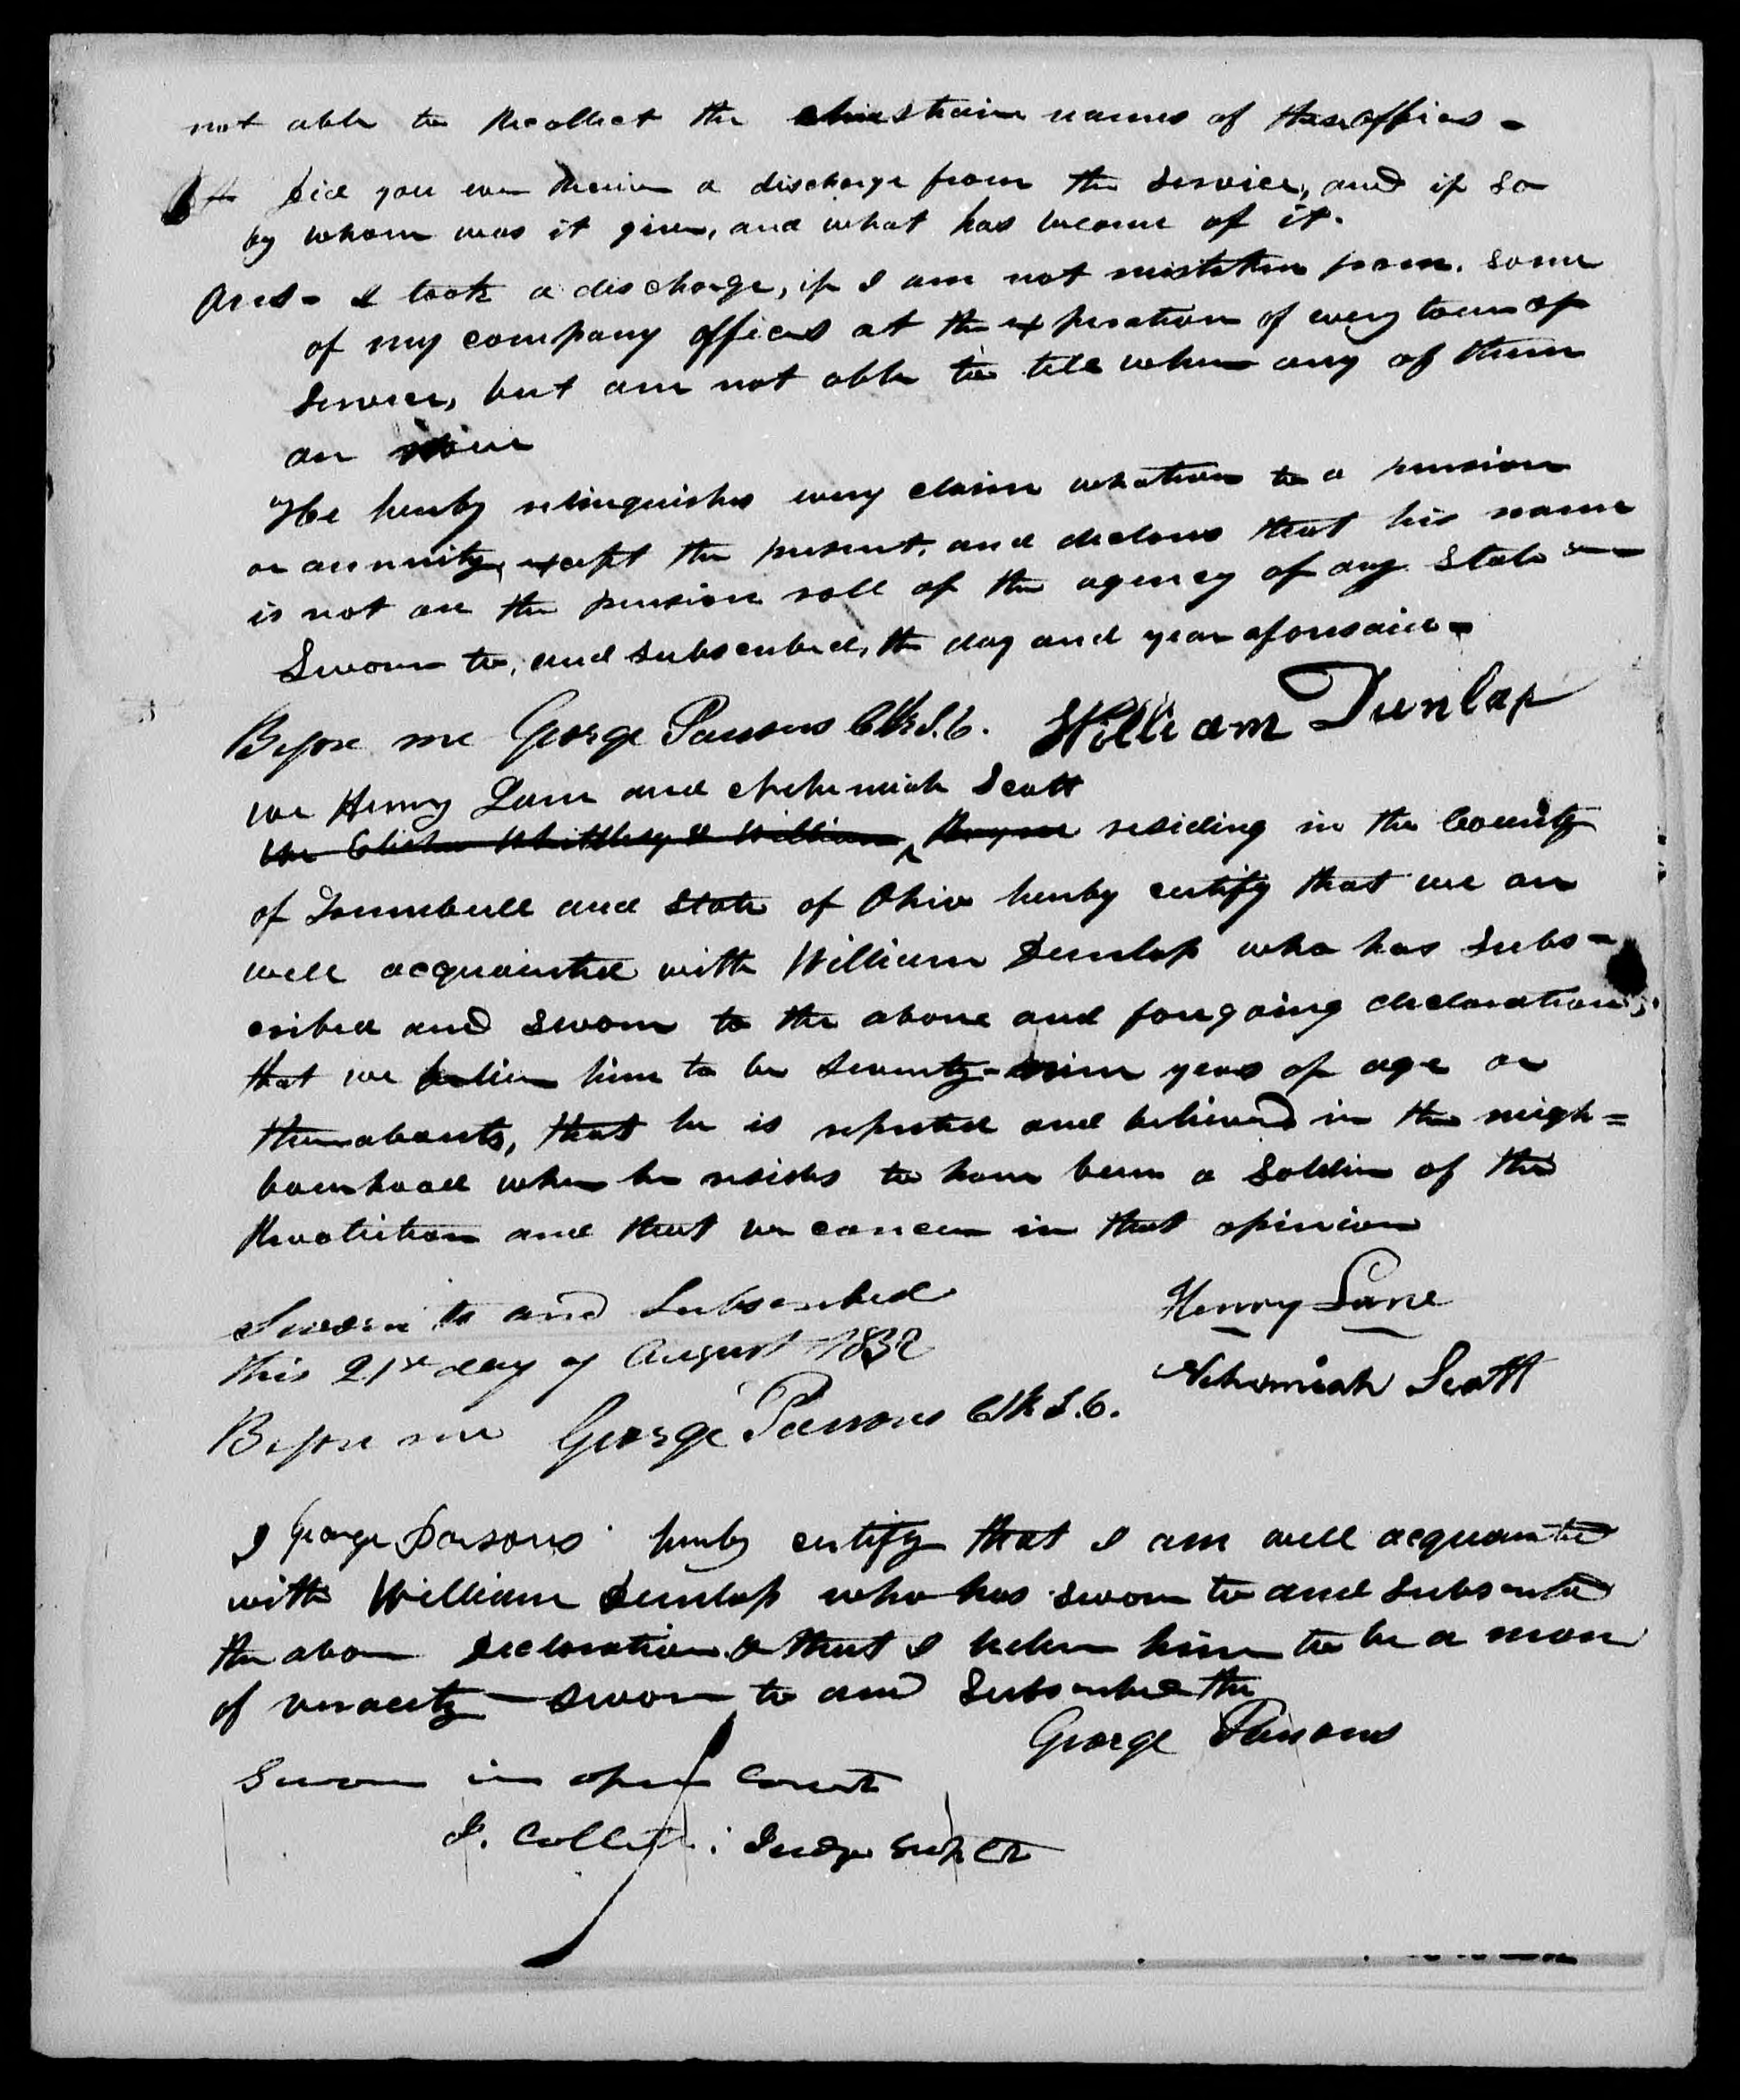not able to recollect the christian names of these officers
6th Did you ever receive a discharge from the service, and if so by whom was it given, and what has become of it
Ans - I took a discharge, if I am not mistaken from some
of my company officers at the expiration of every tour of
service, but am not able to tell where any of them
are now
He hereby relinquishes every claim whatever to a pension
or annuity except the present, and declares that his name
is not on the pension roll of the agency of any State
Sworn to and subscribed the day and year aforesaid
Before me George Parsons Clk S.C. 
William Dunlap

we Henry Lane and Nehemiah Scott residing in the County of Trumbull and State of Ohio hereby certify that we are well acquainted with William Dunlap who has subscribed and sworn to the above and foregoing declaration, that we believe him to be seventy-nine years of age or thereabouts, that he is reputed and believed in the  neighbourhood where he resides to have been a soldier of the Revolution and that we concur in that opinion
Sworn to and Subscribed
this 21st day of August 1832
Before me George Parsons Clk S.C.
Henry Lane
Nehemiah Scott

I George Persons hereby certify that I am well acquainted with
William Dunlap who has sworn to and subscribed
the above declaration & that I believe him to be a man
of veracity - sworn to and subscribed the
George Parsons
Sworn in open court
J. Collett Judge Sup Ct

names: George Parsons, William Dunlap, George Parsons, Henry Lane, Nehemiah Scott, George Parsons, Henry Lane, William Dunlap, William Dunlap, George Parsons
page: 6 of 24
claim: survivor's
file: S. 15,415, William Dunlap, Penn.